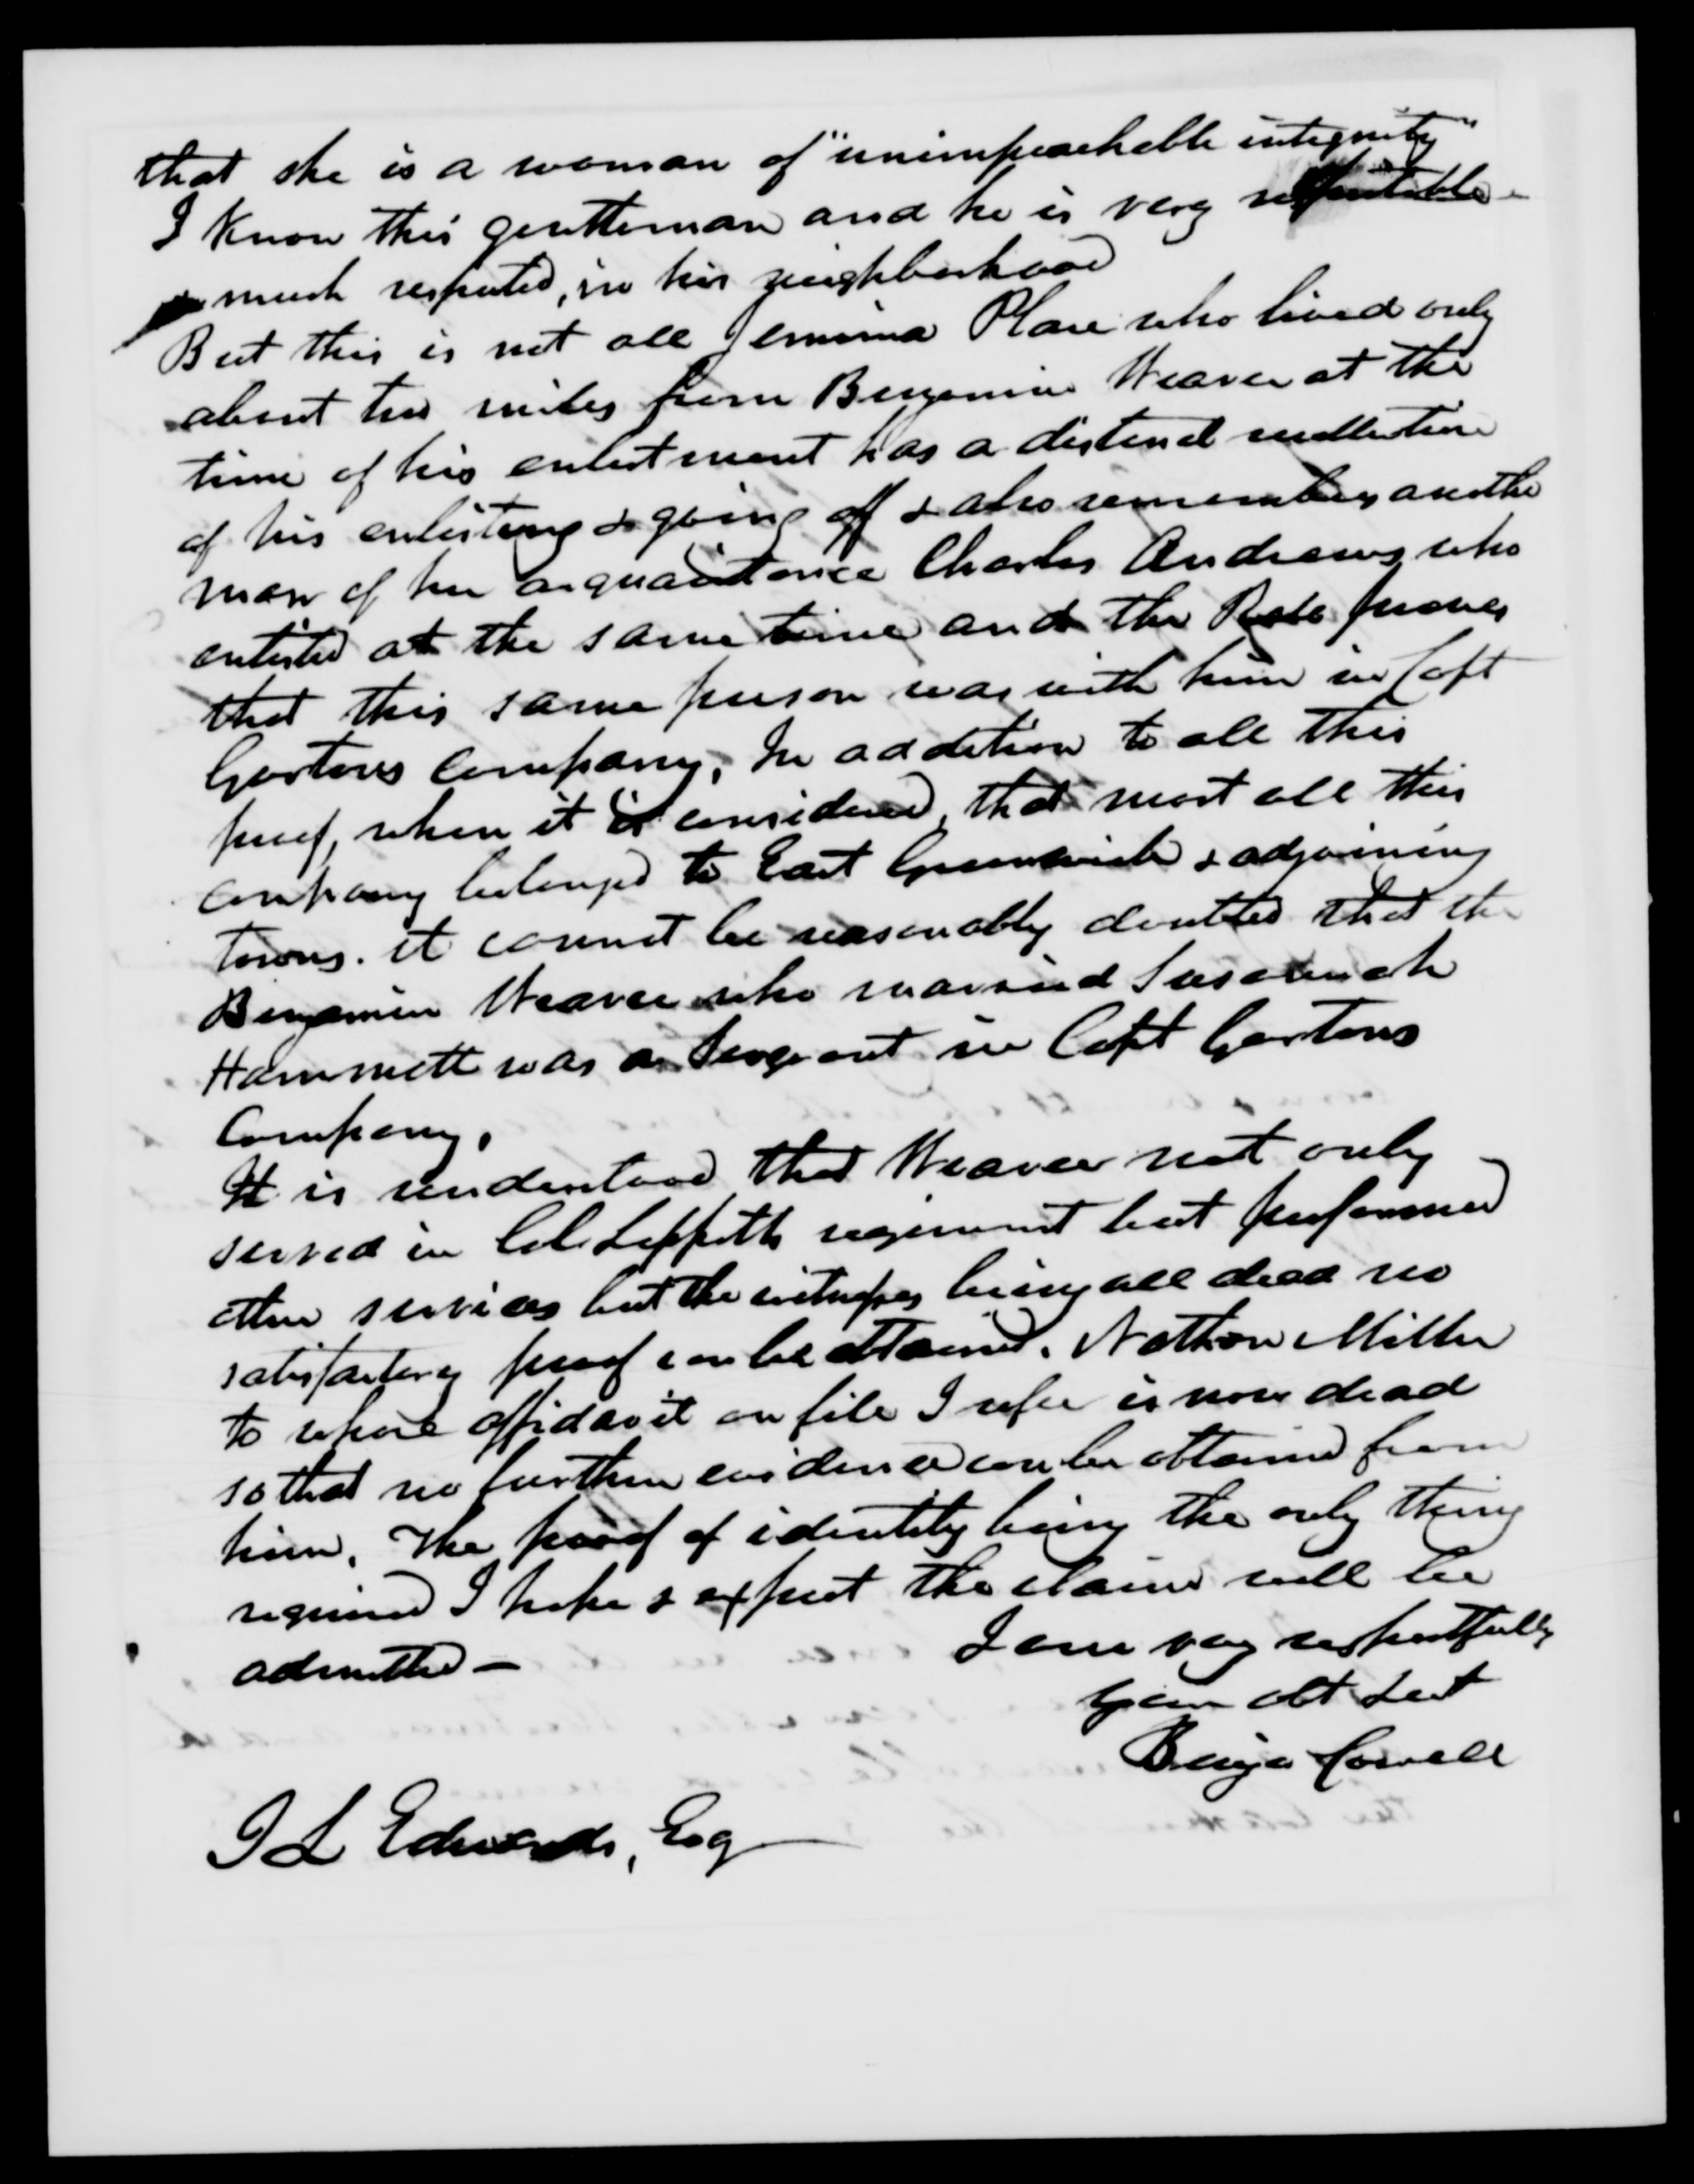that she is a woman of unimpeachable integrity
I know this gentleman and he is very respectable much respected in his neighborhood 
But this is not all Jemina Place who lived only about two mile from Benjamin Weaver at the time of his enlistment has a distant recollection
Of his enlisting & goin off & also remembers another man of her acquaintance Charles Andrew’s who enlisted at the same time and the Roll _____ that this same person was with him in Capt Gortons Company, In addition to all this proof , when it is evidence that mus tall this company belonged to East Greenwich & adjoining towns, it cannot be reasonably doubted that the Benjamin Weaver who married Susannah Hammett was a Sergeant in Capt Gortons Company.
It is understood that Weaver not only served Lin Col Lippitts regiment but performed other services but the witnesses being all dead no satisfactory proof  can be attained. Nathan Milller to where affidavit on file I refer is now dead so that no further evidence can be attained from him. The proof of identity being the only thing required I hope & expect the claim will be admitted-

I am respectfully 
Your obt sent
Benjamin Cowell

J L Edwards, Esq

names: Nathan Miller, Susannah Hammett, J L Edwards, Benjamin Weaver, Charles Andrews, Benja Cowell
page: 33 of 53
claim: widow's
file: W 17707, Benjamin Weaver, R.I.